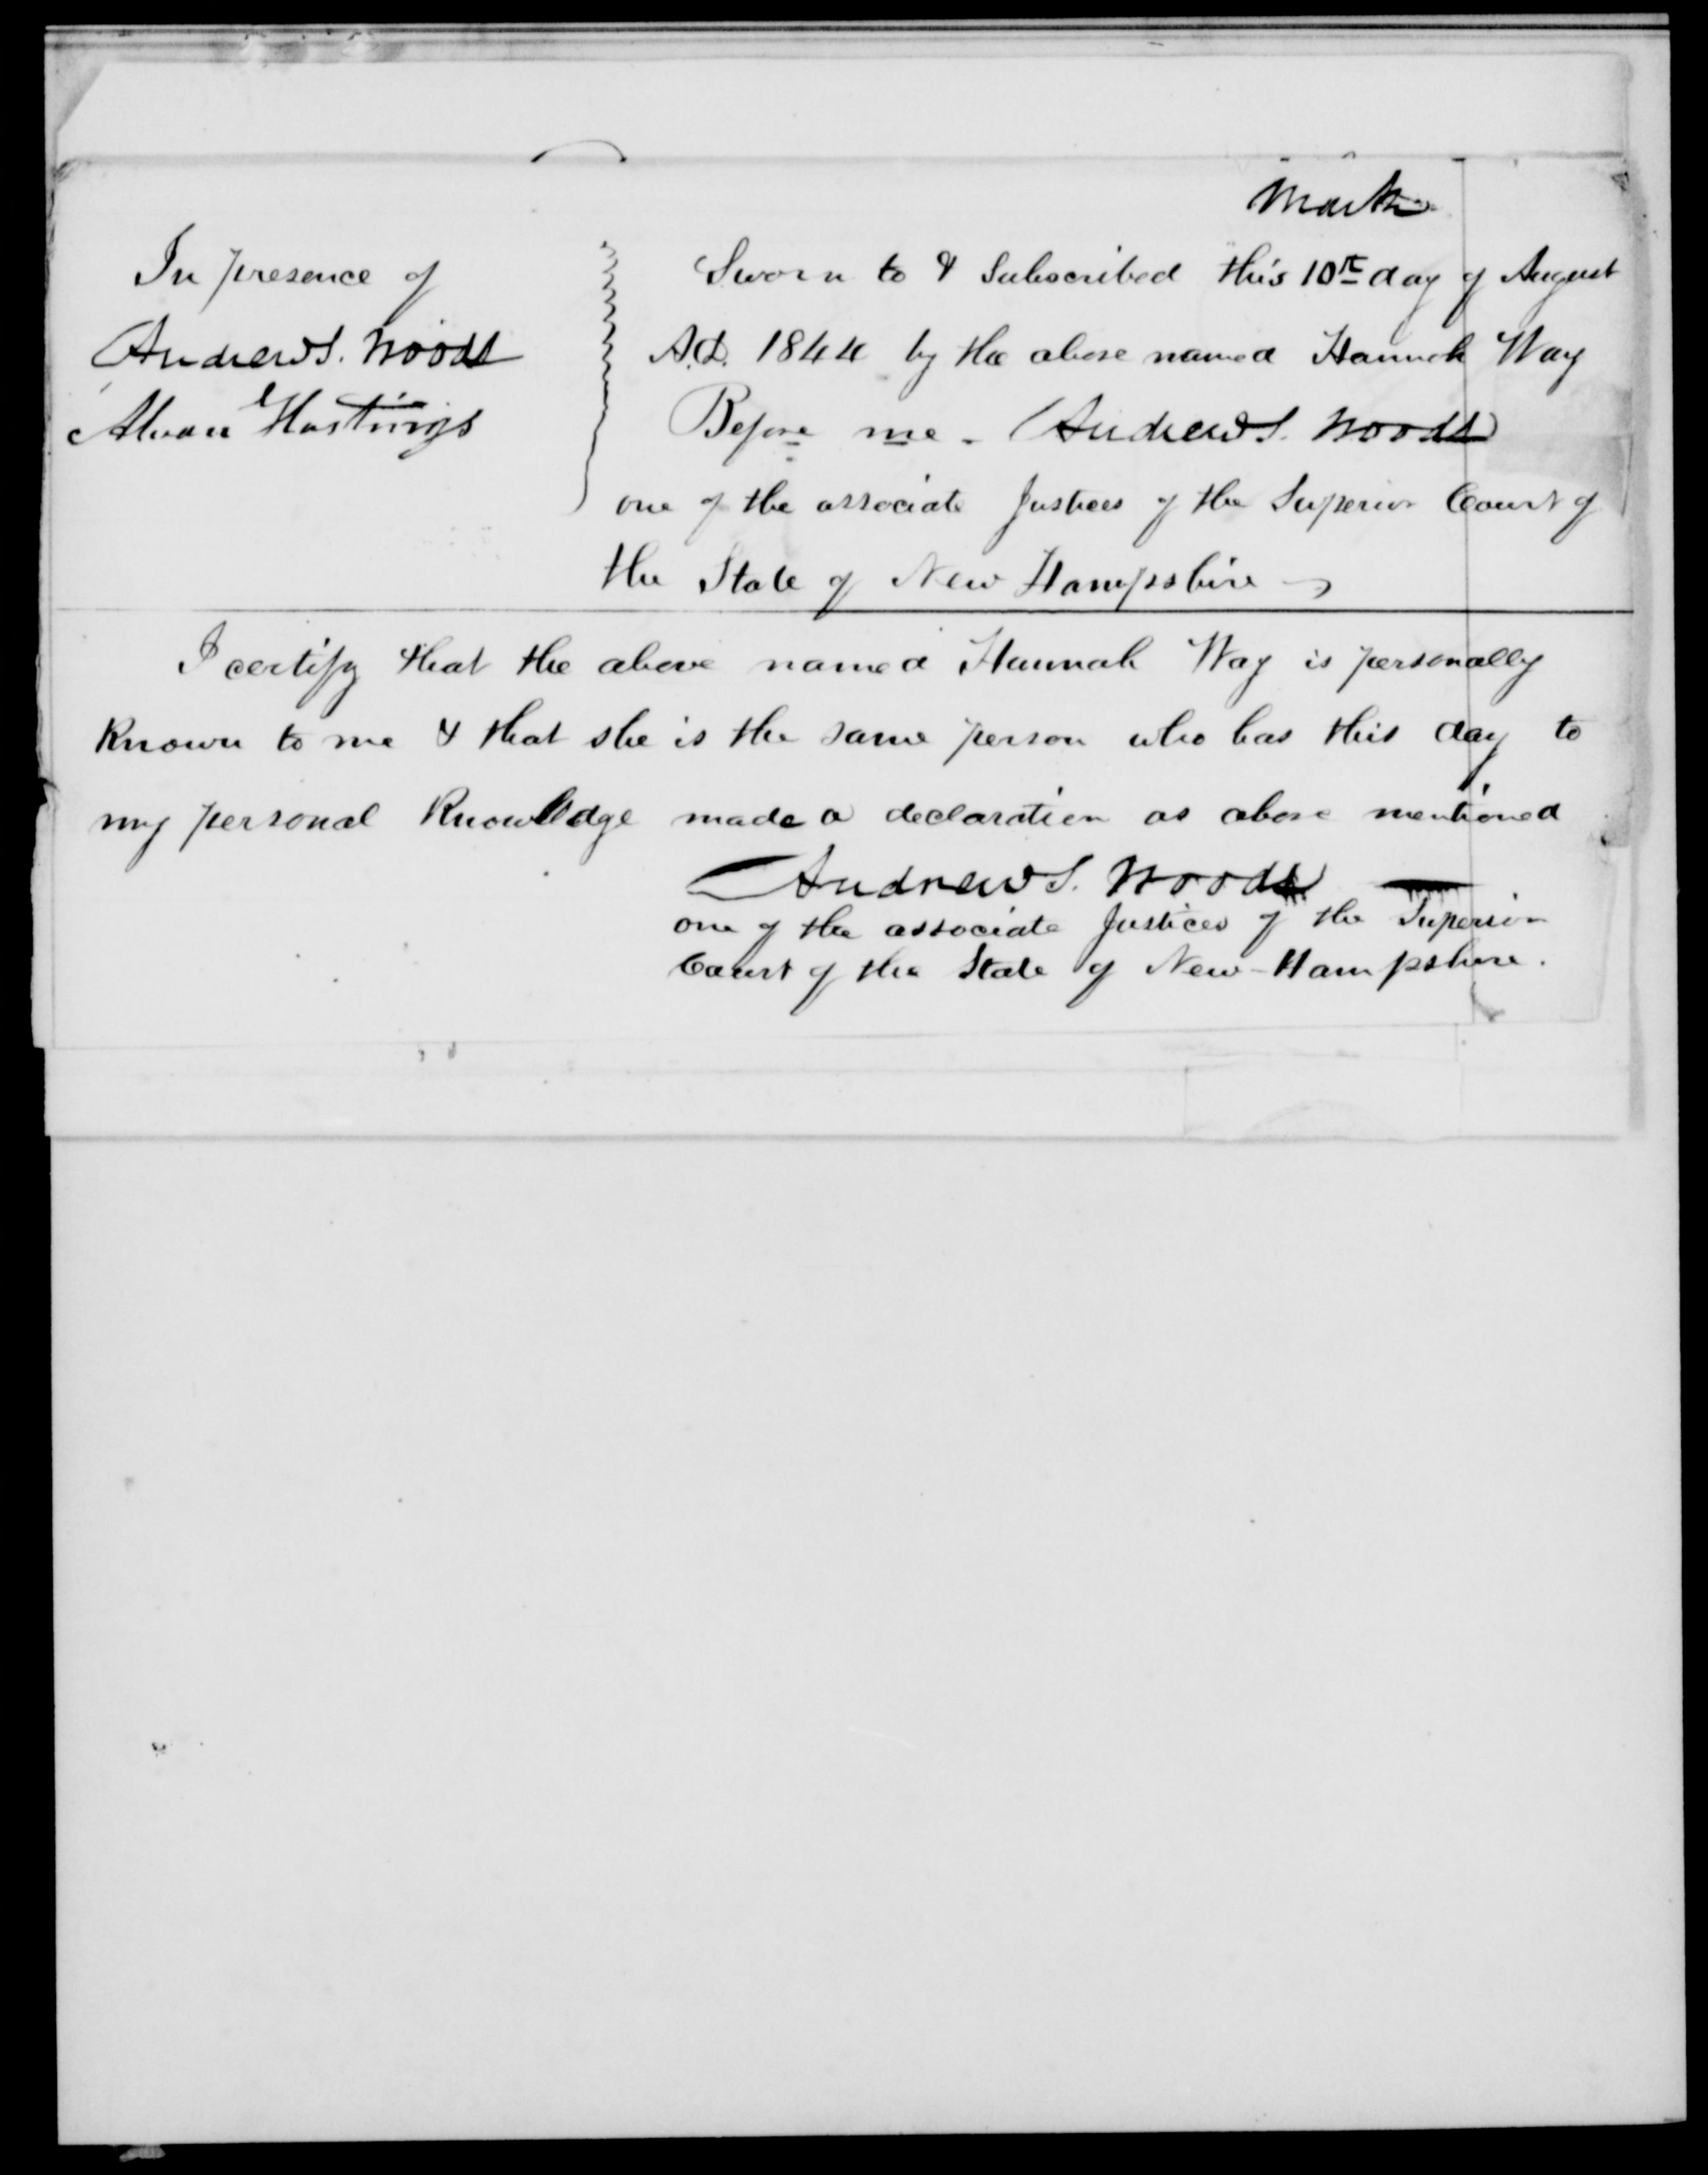In presence of
Andrew S. Woods
Alvan Hastings
mark
Sworn to & Subscribed this 10th day of August
A.D. 1844 by the above named Hannah Way
Before me. Andrew S. Woods
one of the associate Justices of the Superior Court of
the State of New Hampshire
I certify that the above named Hannah Way is personally known to me
& that she is the same person who has this day to
my personal knowledge made a declaration as above mentioned
Andrew S. Woods
one of the associate Justices of the Superior
Court of the State of New Hampshire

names: Hannah Way, Alvan Hastings, Andrew S Woods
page: 78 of 78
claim: widow's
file: W. 25856, Samuel Way, N.H.